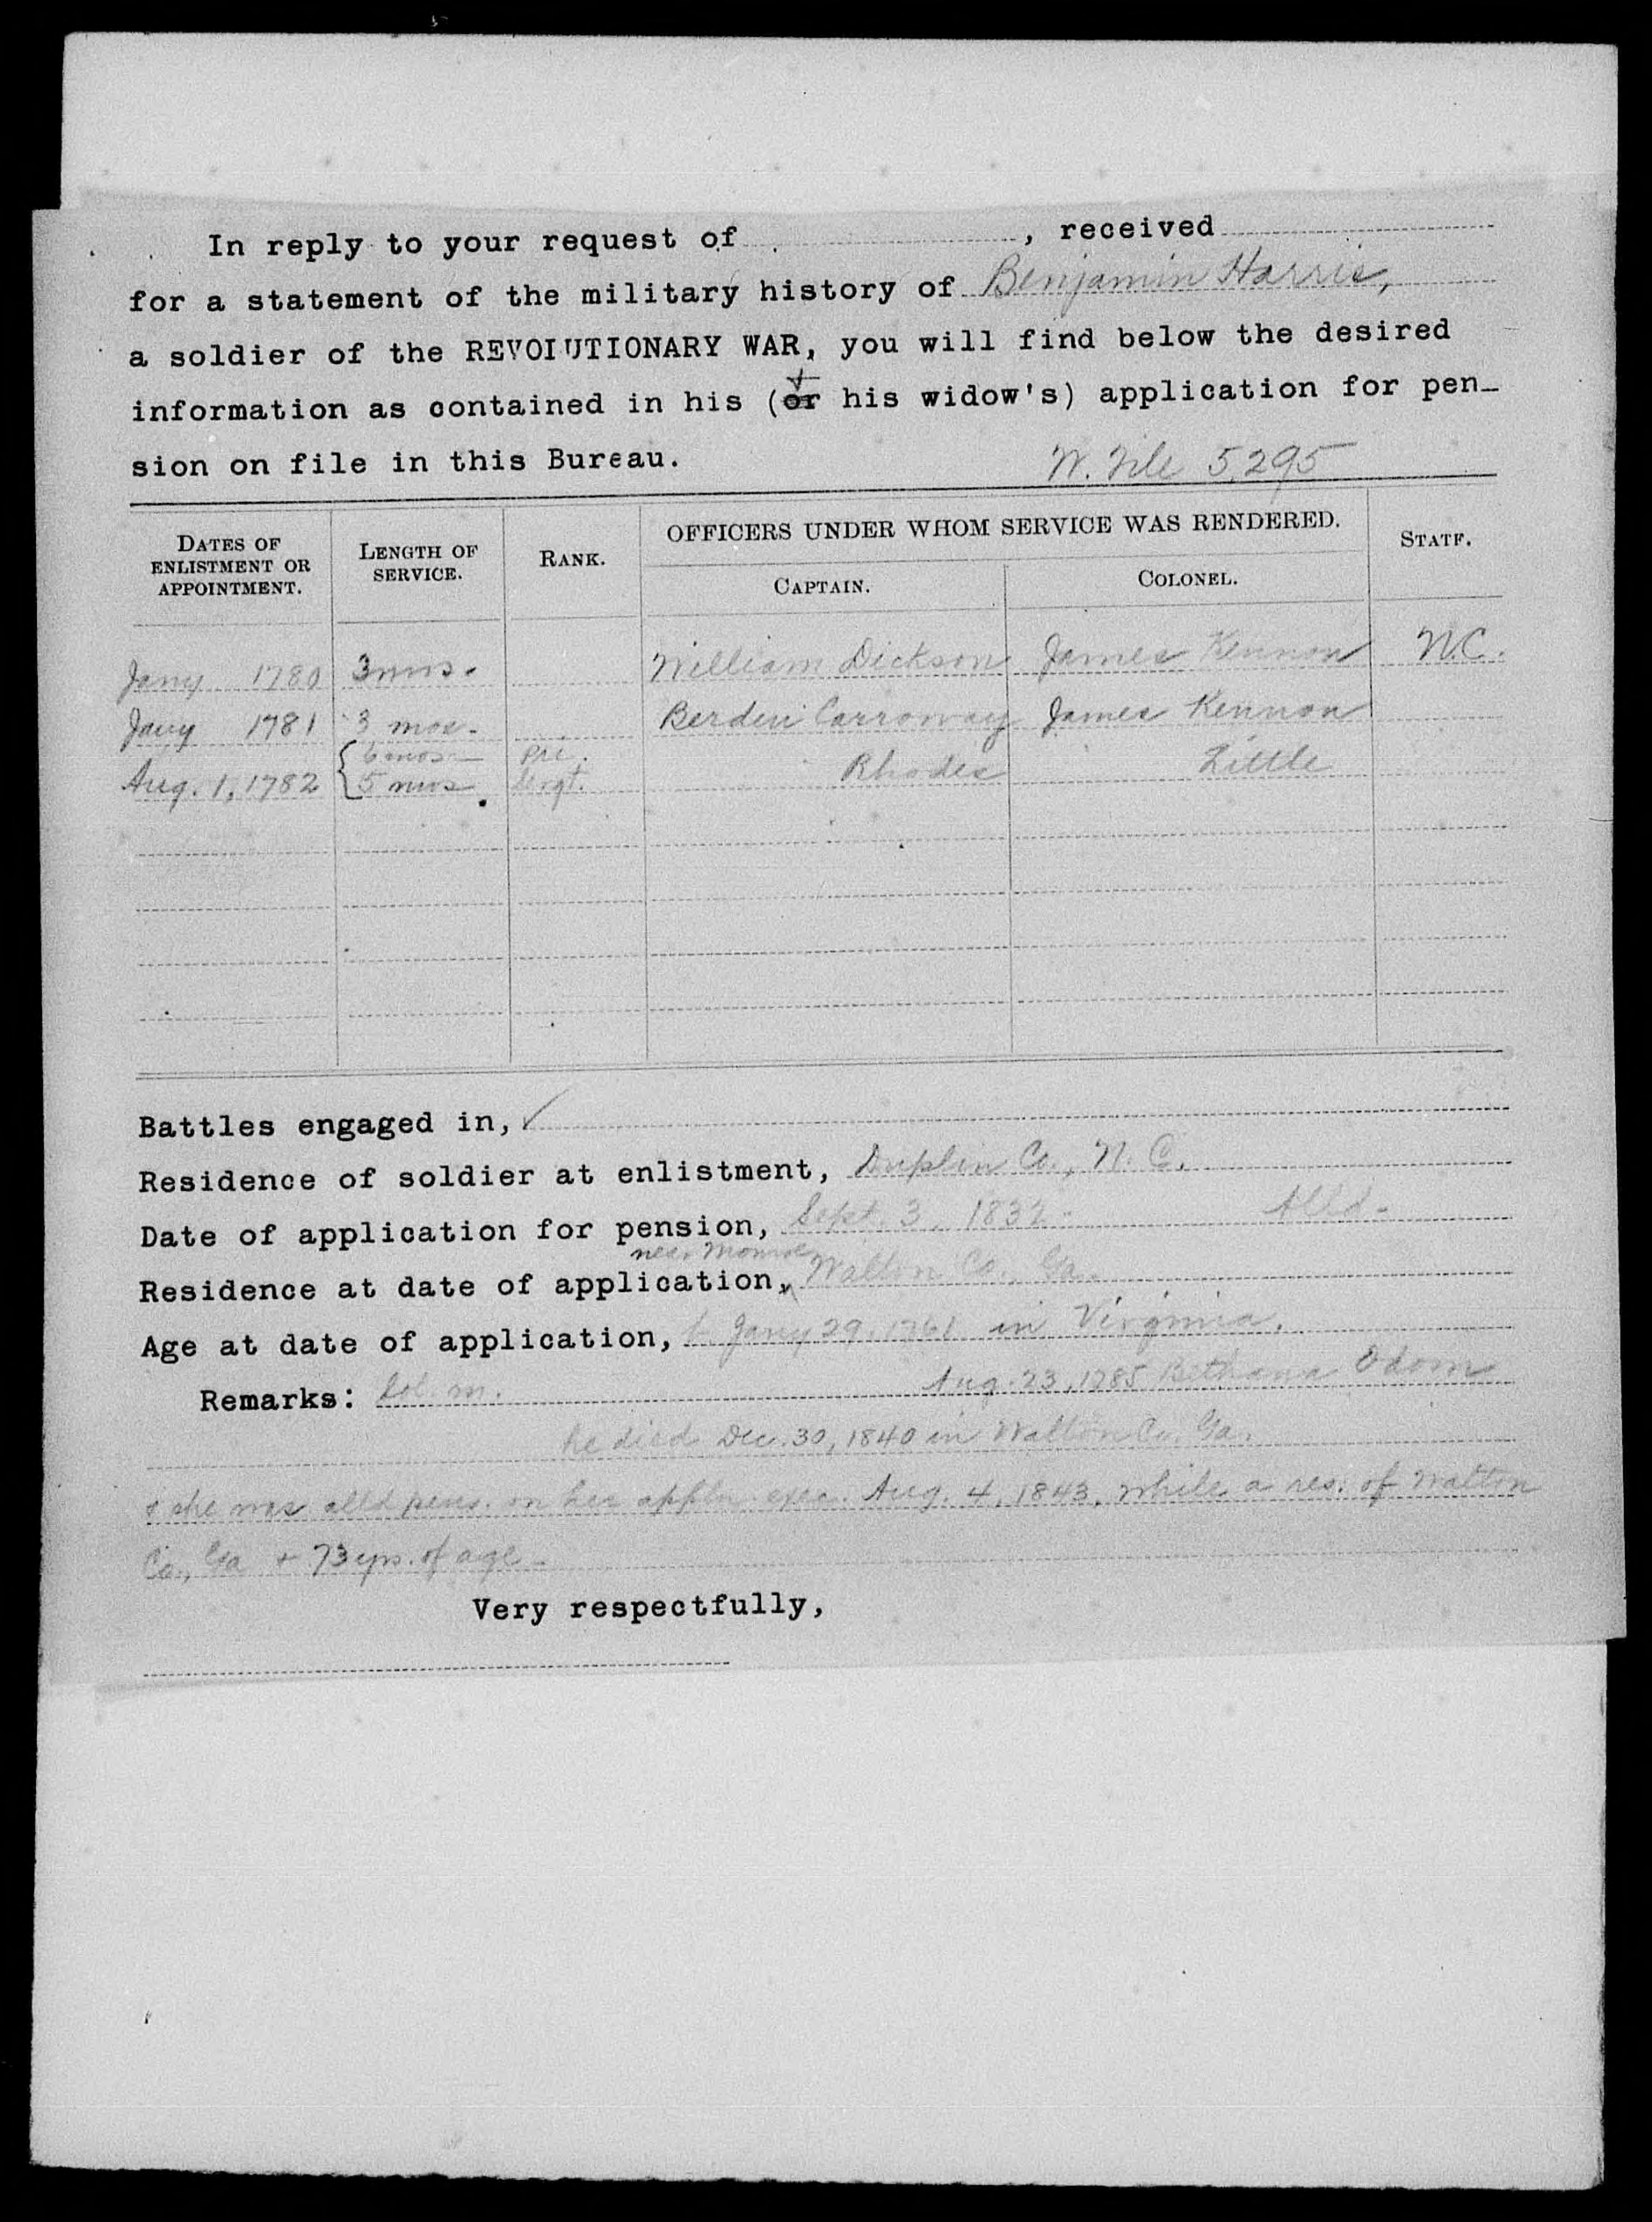In reply to your request Of _____, received ____ for a statement of the military history of Benjamin Harris, a soldier of the REVOLUTIONARY WAR, you will find below the desired information as contained in his (&r his widow's) application for pension on file in this Bureau. 
W. File 5295 
[table headings]DATES OF ENLISTMENT OR APPOINTMENT. | LENGTH OF SERVICE. | RANK. | OFFICERS UNDER WHOM SERVICE WAS RENDERED. CAPTAIN. | COLONEL. | STATE 
[row 1]Jany 1780 | 3 mos | [blank] | William Dickson | James Kennon | NC
[row 2]Jany 1781 | 3 mos  | [blank]| Berden Caraway | James Kennon  | [blank]
[row 3]Aug. 1, 1782 | 6 mons 5 mos  | Pri Sergt | Rhodes | Little  | [blank]

Battles engaged in, [checkmark]
Residence of soldier at enlistment, Duplin Co, N.C. 
Date of application for pension, Sept. 3, 1834 
Residence at date of application, near Moncy, Walton Co Ga
Age at date of application, b. Jany 29 1761  in Virginia 
Remarks: sol. m. Aug. 23, 1785 Bethana Odom  
he died Dec. 30, 1840 in Walton Co Ga and she was all'd person her appln ex. Aug. 4. 1842, while a res. of Walton Co, Ga & 73 yrs of age

Very respectfully,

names: Bethana Odom, Benjamin Harris, James Kennon, James Kennon, Berden Carroway, Rhodes, William Dickson, Little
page: 57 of 62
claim: survivor's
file: S. 38816, Benjamin Harris, Mass.